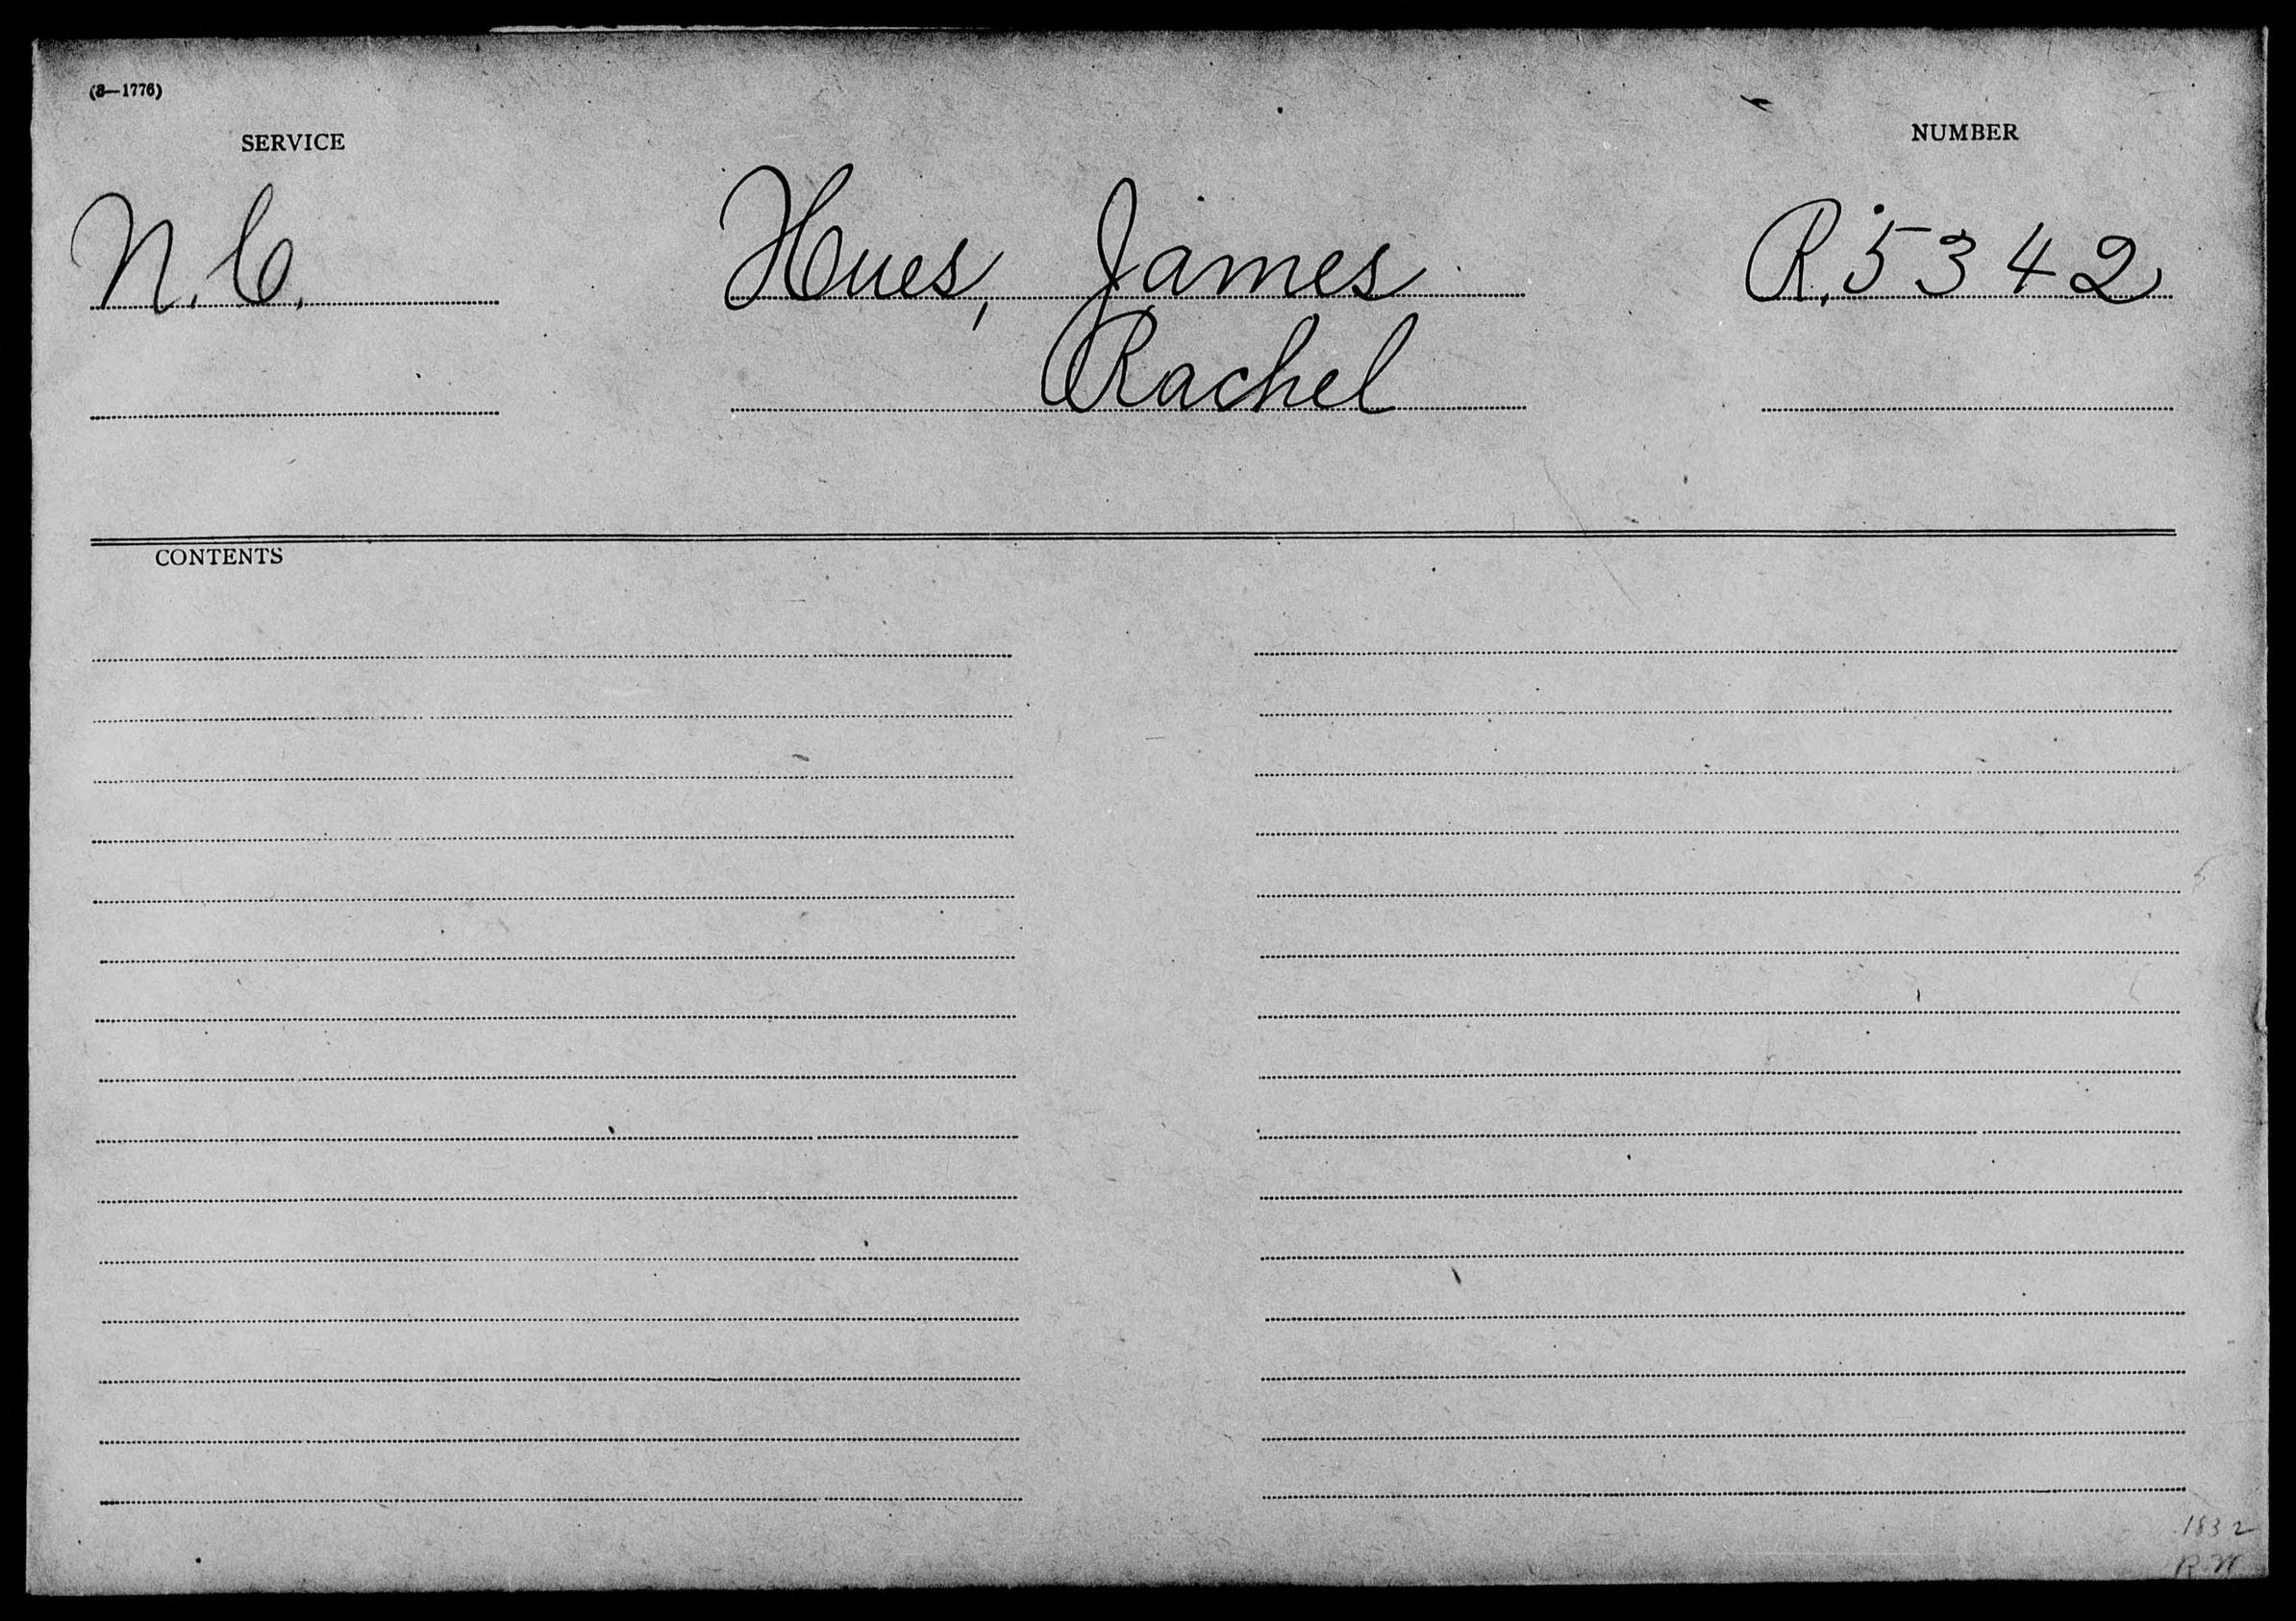(8-1776)
SERVICE                              NUMBER

N.C.          Hues, James          R.5342
                          Rachel
____________________________________________
CONTENTS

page: 1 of 24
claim: rejected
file: R. 5342, James Hues, N.C.